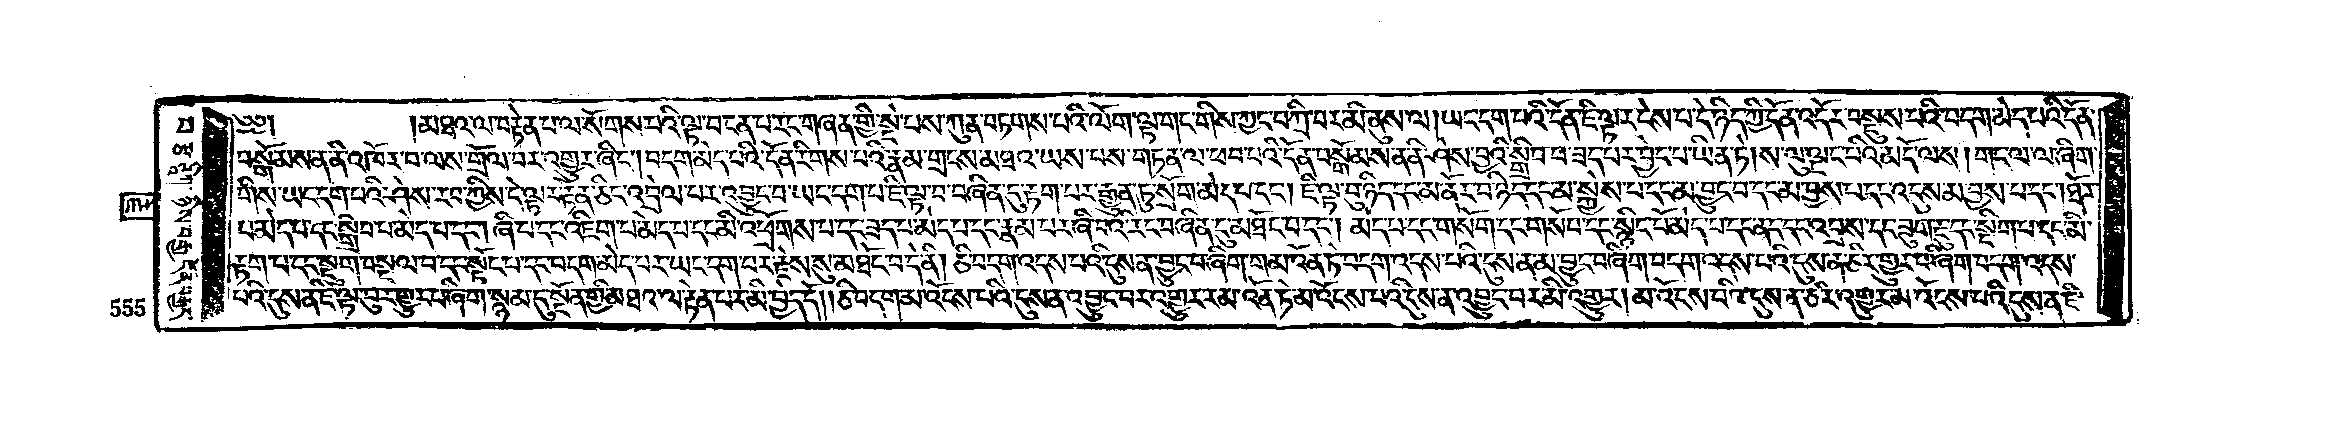༄༅། །མཐའ་ལ་བརྟེན་པ་ལ་སོགས་པའི་ལྟ་བ་ངན་པ་རང་གཞན་གྱི་སྡེ་པས་ཀུན་བཏགས་པའི་ལོག་ལྟ་གང་གིས་ཀྱང་བཀྲི་བར་མི་ནུས་ལ། ཡང་དག་པའི་དོན་ཇི་ལྟར་ངེས་པ་དེ་ཉིད་ཀྱི་དོན་འདོར་བསྡུས་པའི་བདག་མེད་པའི་དོན་
བསྐོམས་ན་ནི་འཁོར་བ་ལས་གྲོལ་བར་འགྱུར་ཞིང་། བདག་མེད་པའི་དོན་རིགས་པའི་རྣམ་གྲངས་མཐའ་ཡས་པས་གཏན་ལ་ཕབ་པའི་དོན་བསྒོམས་ན་ནི་ཤེས་བྱའི་སྒྲིབ་པ་ཟད་པར་བྱེད་པ་ཡིན་ཏེ། ས་ལུ་ལྡང་པའི་མདོ་ལས། གང་ལ་ལ་ཞིག་
གིས་ཡང་དག་པའི་ཤེས་རབ་ཀྱིས་དེ་ལྟར་རྟེན་ཅིང་འབྲལ་བར་འབྱུང་བ་ཡང་དག་པ་ཇི་ལྟ་བ་བཞིན་དུ་རྟག་པར་གྱུར་ཏུ་སྲོག་མེད་པ་དང་། ཇི་ལྟ་བུ་ཉིད་དང་མ་ནོར་བ་ཉིད་དང་མ་སྐྱེས་པ་དང་མ་བྱུང་བ་དང་མ་བྱས་པ་དང་འདུས་མ་བྱས་པ་དང་། ཐོར་
བ་མེད་པ་དང་སྒྲིབ་པ་མེད་པ་དང་། ཞི་པ་དང་འཇིག་པ་མེད་པ་དང་མི་འཕྲོགས་པ་དང་ཟད་པ་མེད་པ་དང་རྣམ་པར་ཞི་བའི་རང་བཞིན་དུ་མཐོང་བ་དང་། མེད་པ་དང་གསོག་དང་གསོབ་དང་སྙིང་པོ་མེད་པ་དང་ནང་དང་འབྲས་དང་ཟུག་རྔུ་དང་སྡིག་པ་དང་མི་
རྟག་པ་དང་སྡུག་བསྔལ་བ་དང་སྟེང་བ་དང་བདག་མེད་པར་ཡང་དག་པར་རྗེས་སུ་མཐོང་བ་དེ་ནི། ཅི་བདག་འདས་པའི་དུས་ན་བྱུང་བ་ཞིག་གམ་འོན་ཏེ་བདག་འདས་པའི་དུས་མ་འབྱུང་བཞིག་བདག་འདས་པའི་དུས་ན་ཅིར་གྱུར་པ་ཞིག་བདག་འདས་
པའི་དུས་ན་ཇི་ལྟ་བུར་གྱུར་པ་ཞིག་སྙམ་དུ་སྔོན་གྱི་མཐའ་ལ་རྟེན་པར་མི་བྱེད་དོ། །ཅི་བདག་མ་འོངས་པའི་དུས་ན་འབྱུང་བར་འགྱུར་རམ་འོན་ཏེ་མ་འོངས་པའི་དུས་ན་འབྱུང་བར་མི་འགྱུར། མ་འོངས་པའི་དུས་ན་ཅིར་འགྱུར་མ་འོངས་པའི་དུས་ན་དེ་